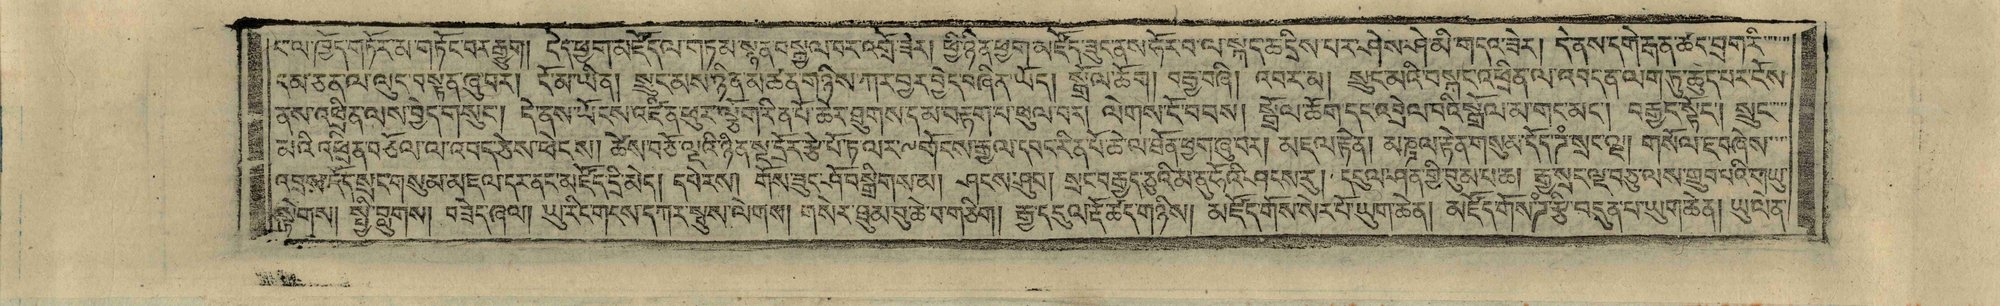ང་ལ་ཁྱོད་གཏོར་མ་གཏོང་བར་རྒྱུག །ངེད་ཕྱག་མཛོད་ལ་གཏམ་སྙན་བསྐྱལ་བར་འགྲོ་ཟེར། ཕྱི་ཉིན་ཕྱག་མཛོད་ཟུང་ནས་ཧོར་བ་ལ་སྐད་ཆ་དྲིས་པར་ཤེས་ཤེ་མི་གདའ་ཟེར། དེ་ནས་དགེ་རྒན་ཚང་བྲག་རི་
དམ་ཅན་ལ་ལུང་བསྟན་ཞུ་བར། ངོ་མ་ཡིན། སྲུང་མས་ཉིན་མཚན་གཉིས་ཀར་བྱར་བྱེད་བཞིན་ཡོད། སྒྲོལ་ཆོག །བརྒྱ་བཞི། འབར་མ། སྲུང་མའི་བསྐང་འཕྲིན་ལ་འབད་ན་ལག་ཏུ་ཆུད་པར་ངོས་
ནས་འཕྲིན་ལས་བྱེད་གསུང་། དེ་ནས་ཡོངས་འཛིན་ཕུར་ལྕོག་རིན་པོ་ཆེར་ཐུགས་དམ་བརྟག་པ་ཕུལ་བར། ལེགས་ངོ་བབས། སྒྲོལ་ཆོག་དང་འབྲེལ་བའི་སྒྲོལ་མ་གང་མང་། བརྒྱད་སྟོང་། སྲུང་
མའི་འཕྲིན་བཅོལ་ལ་འབད་ཅེས་ཕེངས། ཚེས་བཅོ་ལྔའི་ཉིན་སྔ་དྲོར་རྩེ་པོ་ཏ་ལར་༧་གོང་ས་རྒྱལ་དབང་རིན་པོ་ཆེ་ལ་ཐོན་ཕྱག་ཞུ་བར། མཇལ་རྟེན། མཎྜལ་རྟེན་གསུམ་དོད་ཊཾ་སྲང་ལྔ། གསོལ་ཇ་བཞེས་
འབྲས་དོད་སྲང་གསུམ་མཇལ་དར་ནང་མཛོད་དྲི་མེད། དཔེ་རས། གོས་ཟུང་ཤོ་བསྒྲིགས་མ། ཤངས་ཤུབ། སྲང་བརྒྱད་ཅུའི་མ་ནུ་ཧོའི་ཤངས་རུ། དངུལ་ཤན་གྱི་བུམ་པ་ཆ། རྒྱ་སྲང་ལྔ་བཅུ་ལས་གྲུབ་པའི་གཡུ་
སྟེགས། སྤྱི་བླུགས། བཟེད་ཞལ། ཡུ་རིང་གངས་དཀར་སྦུས་ལེགས། གསེར་ཐུམ་བུ་ཆེ་བ་གཅིག །རྒྱ་དངུལ་རྡོ་ཚད་གཉིས། མཛོད་གོས་སེར་པོ་ཡུག་ཆེན། མཛོད་གོས་ཌཾ་རྩི་བདུན་པ་ཡུག་ཆེན། ཡུ་ལེན་